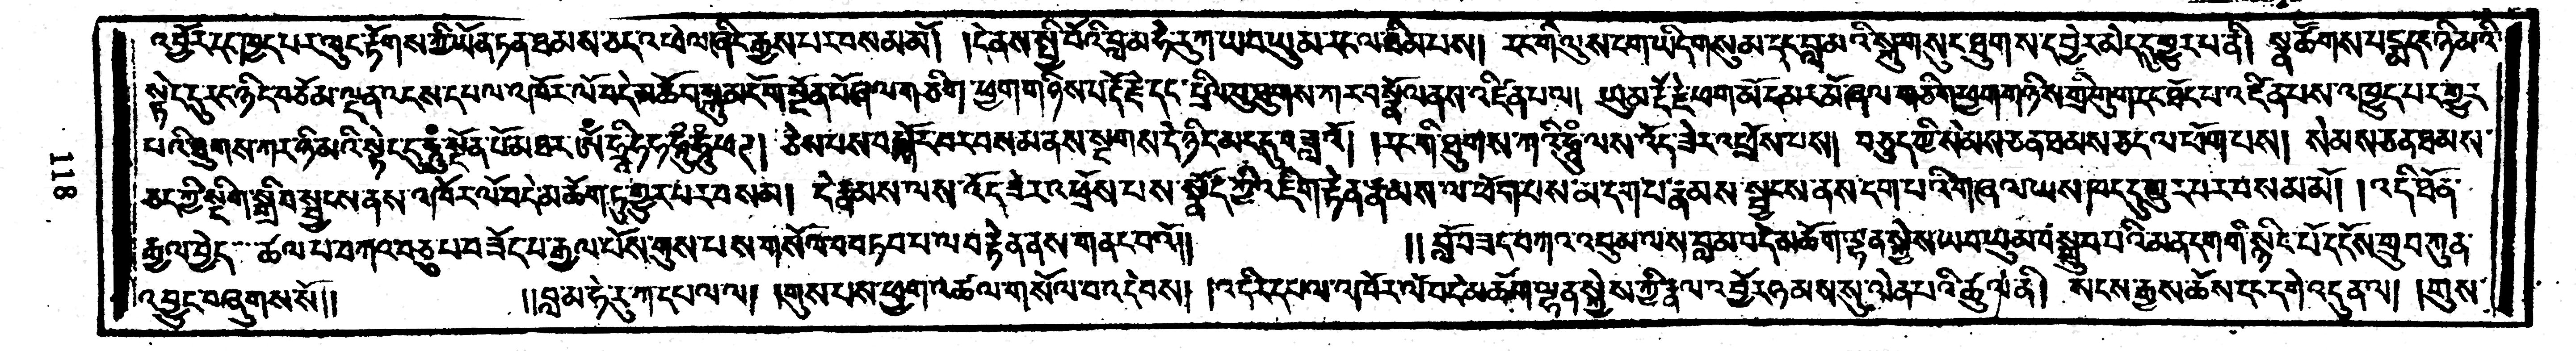འབྱོར་དང་ཁྱད་པར་ལུང་རྟོགས་ཀྱི་ཡོན་ཏན་ཐམས་ཅད་འཕེལ་ཞིང་རྒྱས་པར་བསམ་མོ། །དེ་ནས་སྤྱི་བོའི་བླ་མ་ཧེ་རུ་ཀ་ཡབ་ཡུམ་རང་ལ་ཐིམ་པས། རང་གི་ལུས་ངག་ཡིད་གསུམ་དང་བླ་མའི་སྐུ་གསུང་ཐུགས་དབྱེར་མེད་དུ་གྱུར་པ་ནི། སྣ་ཚོགས་པདམ་དང་ཉི་མའི་
སྟེང་དུ་རང་ཉིད་བཅོམ་ལྡན་འདས་དཔལ་འཁོར་ལོ་བདེ་མཆོག་སྐུ་མངོག་སྔོན་པོ་ཞལ་གཅིག་ཕྱག་གཉིས་པ་རྡོ་རྗེ་དང་དྲིལ་བུ་ཐུགས་ཀར་བསྣོལ་ནས་འཛིན་པ་ལ། ཡུམ་རྡོ་རྗེ་ཕག་མོ་དམར་མོ་ཞལ་གཅིག་ཕྱག་གཉིས་གྲི་གུག་དང་ཐོང་པ་འཛིན་པས་འཁྱུད་པར་གྱུར་
པའི་ཐུགས་ཀར་ཉི་མའི་སྟེང་དུ་ཧཱུཾ་སྔོན་པོ་མཐར་ཨོཾ་ཧྲཱི་ཧ་ཧ་ཧཱུཾ་ཧཱུཾ་ཕཊ། ཅེས་པས་བསྐོར་བར་བསམ་ནས་སྔགས་དེ་ཉིད་མང་དུ་བཟླའོ། །རང་གི་ཐུགས་ཀའི་ཧཱུཾ་ལས་འོད་ཟེར་འཕྲོས་པས། བཅུད་ཀྱི་སེམས་ཅན་ཐམས་ཅད་ལ་ཕོག་པས། སེམས་ཅན་ཐམས་
ཅད་ཀྱི་སྡིག་སྒྲིབ་སྦྱངས་ནས་འཁོར་ལོ་བདེ་མཆོག་ཏུ་གྱུར་པར་བསམ། དེ་རྣམས་ལས་འོད་ཟེར་འཕྲོས་པས་སྣོད་ཀྱི་འཇིག་རྟེན་རྣམས་ལ་ཕོག་པས་མ་དག་པ་རྣམས་སྦྱངས་ནས་དག་པའི་གཞལ་ཡས་ཁང་དུ་གྱུར་པར་བསམ་མོ། །འདི་ཐོན་
རྒྱལ་བྱེད་ཚལ་པ་བཀའ་བཅུ་པ་བཟོད་པ་རྒྱལ་པོས་གུས་པས་གསོལ་བ་བཏབ་པ་ལ་བརྟེན་ནས་གནང་བའོ།། །།བློ་བཟང་བཀའ་འབུམ་ལས་བླ་མ་བདེ་མཆོག་ལྷན་སྐྱེས་ཡབ་ཡུམ་བསྒྲུབ་པའི་མན་དག་གི་སྙིང་པོ་དངོས་གྲུབ་ཀུན་
འབྱུང་བཞུགས་སོ།། །།བླ་མ་ཧེ་རུ་ཀ་དཔལ་ལ། །གུས་པས་ཕྱག་འཚལ་གསོལ་བ་འདེབས། །འདིར་དཔལ་འཁོར་ལོ་བདེ་མཆོག་ལྷན་སྐྱེས་ཀྱི་རྣལ་འབྱོར་ཉམས་སུ་ལེན་པའི་ཚུལ་ནི། སངས་རྒྱས་ཆོས་དང་དགེ་འདུན་ལ། །གུས་